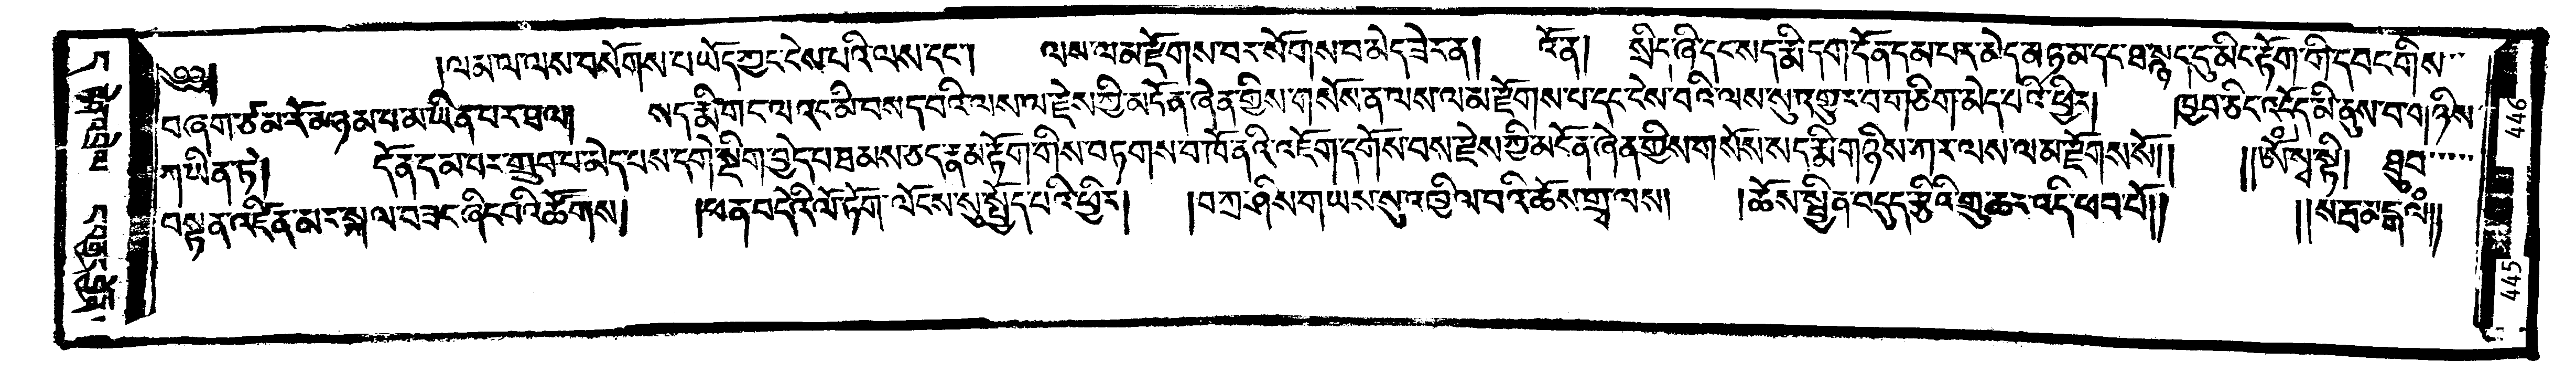༄༅། །ལམ་ལ་ལས་བསོགས་པ་ཡོད་ཀྱང་ངེས་པའི་ལས་དང་། ལས་ལ་མ་རྫོགས་པར་སོགས་བ་མེད་ཟེར་ན། འོ་ན། སྲིད་ཞི་དང་སད་རྨི་དག་དོན་དམ་པར་མེད་མཉམ་དང་ཐ་སྙད་དུ་མིང་རྟོག་གི་དབང་གིས་
བཞག་ཙམ་རོ་མཉམ་པ་མ་ཡིན་པར་ཐལ། སད་རྨི་གང་ལའང་མི་བསད་པའི་ལས་ལ་རྗེས་ཀྱི་མངོན་ཞེན་གྱིས་གསོས་ན་ལས་ལ་མ་རྫོགས་པ་དང་ངེས་པའི་ལས་སུ་འགྱུར་བ་གཅིག་མེད་པའི་ཕྱིར། ཁྱབ་ཅིང་འདོད་མི་ནུས་པ་གཉིས་
ཀ་ཡིན་ཏེ། དོན་དམ་པར་གྲུབ་པ་མེད་པས་དགེ་སྡིག་བྱེད་པ་ཐམས་ཅད་རྣམ་རྟོག་གིས་བཏགས་པ་ཁོ་ནའི་འཇོག་དགོས་པས་རྗེས་ཀྱི་མངོན་ཞེན་གྱིས་གསོས་སད་རྨི་གཉིས་ཀར་ལས་ལམ་རྫོགས་སོ།། །།ཨོཾ་སྭ་སྟི། ཐུབ་
བསྟན་འཛིན་མར་སྐལ་བཟང་ཞིང་བའི་ཚོགས། །ཕན་བདེའི་ལོ་ཏོག་ལོངས་སུ་སྤྱོད་པའི་ཕྱིར། །བཀྲ་ཤིས་གཡས་སུ་འཁྱིལ་བའི་ཆོས་གྲྭ་ལས། །ཆོས་སྦྱིན་བདུད་རྩིའི་གྲུ་ཆར་འདི་ཕབ་པོ།། །།སརྦ་མངྒ་ལཾ།།